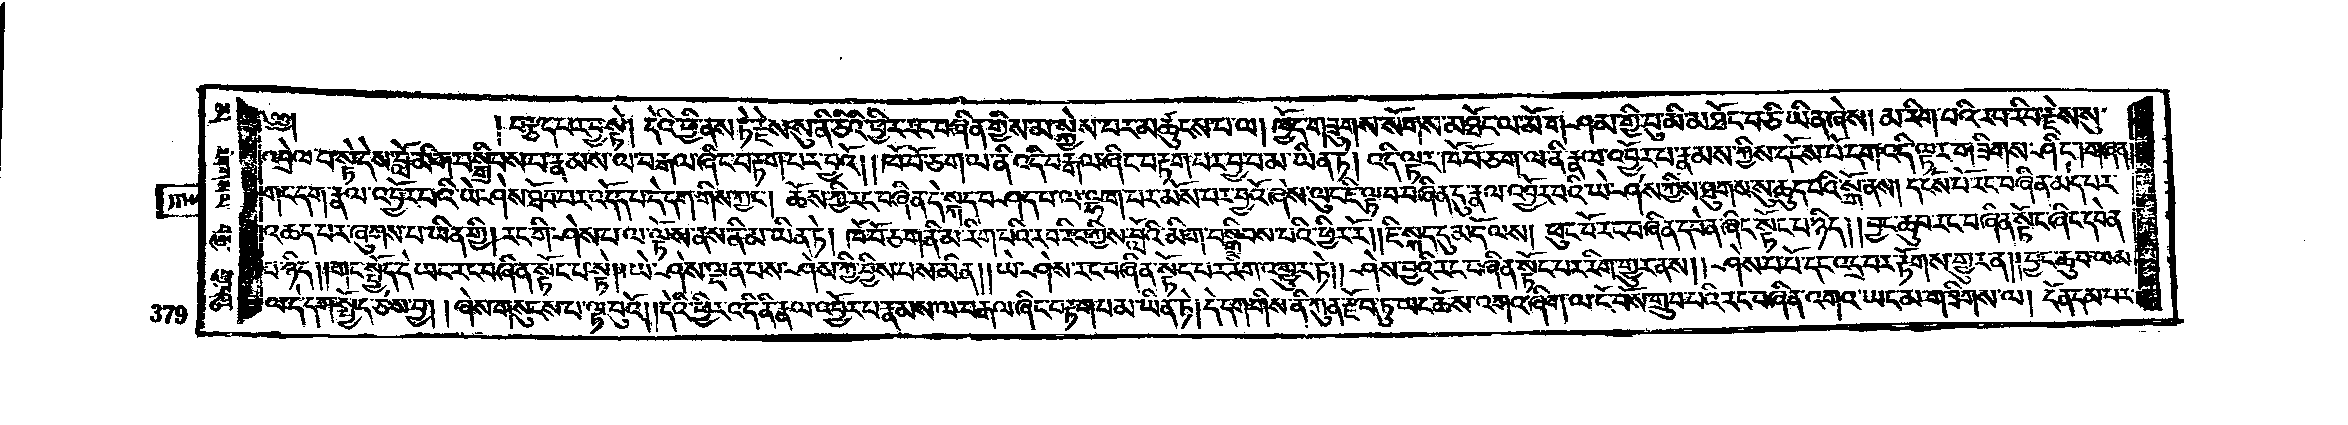༄༅། །བརྩད་པར་བྱ་སྟེ། དེའི་ཕྱི་ནས་ཏེ་རྗེས་སུ་ནི་ཅིའི་ཕྱིར་རང་བཞིན་གྱིས་མ་སྐྱེས་པར་མཚུངས་པ་ལ། ཁྱོད་གཟུགས་སོགས་མཐོང་ལ་མོ་གཤམ་གྱི་བུ་མི་མཐོང་བ་ཅི་ཡིན་ཞེས། མ་རིག་པའི་རབ་རིབ་རྗེས་སུ་
འབྲེལ་བ་སྟེ་དེས་བློ་མིག་བསྒྲིབས་པ་རྣམས་ལ་བརྒལ་ཞིང་བརྟག་པར་བྱའོ། །ཁོ་བོ་ཅག་ལ་ནི་འདི་བརྒལ་ཞིང་བརྟག་པར་བྱ་བ་མ་ཡིན་ཏེ། འདི་ལྟར་ཁོ་བོ་ཅག་ལ་ནི་རྣལ་འབྱོར་པ་རྣམས་ཀྱིས་དངོས་པོ་དག་འདི་ལྟར་གཟིགས་ཤིང་། གཞན་
གང་དག་རྣལ་འབྱོར་བའི་ཡེ་ཤེས་ཐོབ་པར་འདོད་པ་དེ་དག་གིས་ཀྱང་། ཆོས་ཀྱི་རང་བཞིན་དེ་སྐད་བཤད་པ་ལ་ལྷག་པར་མོས་པར་བྱའོ་ཞེས་ལུང་ཇི་ལྟ་བ་བཞིན་དུ་རྣལ་འབྱོར་བའི་ཡེ་ཤེས་ཀྱིས་ཐུགས་སུ་ཆུད་པའི་སྒོ་ནས། དངོས་པོ་རང་བཞིན་མེད་པར་
འཆད་པར་ཞུགས་པ་ཡིན་གྱི། རང་གི་ཤེས་པ་ལ་ལྟོས་ནས་ནི་མ་ཡིན་ཏེ། ཁོ་བོ་ཅག་ནི་མ་རིག་པའི་རབ་རིབ་ཀྱིས་བློའི་མིག་བསྒྲིབས་པའི་ཕྱིར་རོ། །ཇི་སྐད་དུ་མདོ་ལས། ཕུང་པོ་རང་བཞིན་དབེན་ཞིང་སྟོང་པ་ཉིད། །བྱང་ཆུབ་རང་བཞིན་སྟོང་ཞིང་དབེན་
པ་ཉིད། །གང་སྤྱོད་དེ་ཡང་རང་བཞིན་སྟོང་པ་སྟེ། །ཡེ་ཤེས་ལྡན་པས་ཤེས་ཀྱི་བྱིས་པས་མིན། །ཡེ་ཤེས་རང་བཞིན་སྟོང་པར་རིག་འགྱུར་ཏེ། །ཤེས་བྱའི་རང་བཞིན་སྟོང་པར་རིག་གྱུར་ནས། །ཤེས་པ་པོ་དང་འདྲ་བར་རྟོགས་གྱུར་ན། །བྱང་ཆུབ་ལམ་
ལ་དེ་དག་སྤྱོད་ཅེས་བྱ། །ཞེས་གསུངས་པ་ལྟ་བུའོ། །དེའི་ཕྱིར་འདི་ནི་རྣལ་འབྱོར་པ་རྣམས་ལ་བརྒལ་ཞིང་བརྟག་པ་མ་ཡིན་ཏེ། དེ་དག་གིས་ནི་ཀུན་རྫོབ་ཏུ་ཡང་ཆོས་འགའ་ཞིག་ལ་ངོ་བོས་གྲུབ་པའི་རང་བཞིན་འགའ་ཡང་མ་གཟིགས་ལ། དོན་དམ་པར་